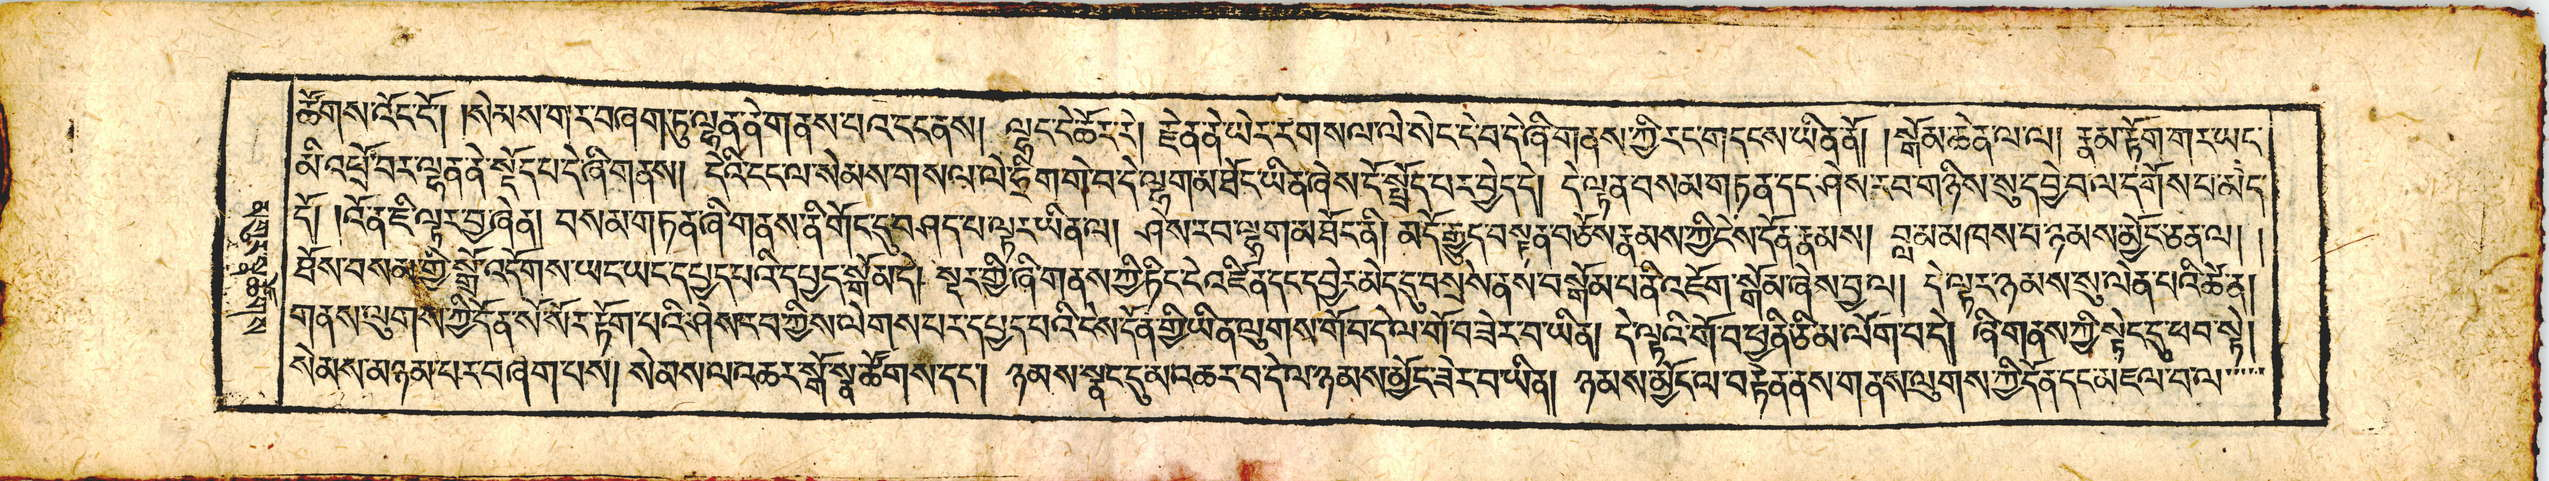ཚོགས་འོང་ངོ་། །སེམས་གར་བཞག་ཏུ་ལྷན་ne གནས་པའི་ངང་ནས། ལྷང་ངེ་ཆོར་རེ། རྗེན་ནེ། ཡེར་རེ། གསལ་ལེ། སེང་ངེ་བ་དེ་ཞི་གནས་ཀྱི་རང་གདངས་ཡིན་ནོ། །སྒོམ་ཆེན་ལ་ལ། རྣམ་རྟོག་གར་ཡང་
མི་འཕྲོ་བར་ལྷན་ནེ་སྡོད་པ་དེ་ཞི་གནས། དེའི་ངང་ལ་སེམས་གསལ་ལེ་ཧྲིག་གེ་བ་དེ་ལྟག་མཐོང་ཡིན་ཞེས་ངོ་སྤྲོད་པར་བྱེད་དེ། དེ་ལྟ་ན་བསམ་གཏན་དང་ཤེས་རབ་གཉིས་སུ་དབྱེ་བ་ལ་དགོས་པ་མེད་
དོ། །འོ་ན་ཇི་ལྟར་བྱ་ཞེ་ན། བསམ་གཏན་ཞི་གནས་ནི་གོང་དུ་བཤད་པ་ལྟར་ཡིན་ལ། ཤེས་རབ་ལྷག་མཐོང་ནི། མདོ་རྒྱུད་བསྟན་བཅོས་རྣམས་ཀྱི་ངེས་དོན་རྣམས། བླ་མ་མཁས་པ་ཉམས་མྱོང་ཅན་ལ། 
ཐོས་བསམ་གྱི་སྒྲོ་འདོགས་ཡང་ཡང་དཔྱད་པའི་དཔྱད་སྒོམ་དེ། སྔར་གྱི་ཞི་གནས་ཀྱི་ཏིང་ངེ་འཛིན་དང་དབྱེར་མེད་དུ་བསྲེས་ནས་བསྒོམ་པ་ནི་འཇོག་སྒོམ་ཞེས་བྱ་ལ། དེ་ལྟར་ཉམས་སུ་ལེན་པའི་ཚེ་ན། 
གནས་ལུགས་ཀྱི་ངོ་ན་སོ་སོར་རྟོག་པའི་ཤེས་རབ་ཀྱིས་ལེགས་པར་དཔྱད་པའི་ངེས་དོན་གྱི་ཡིན་ལུགས་གོ་བ་དེལ་གོ་བ་ཟེར་བ་ཡིན། དེ་ལྟའི་གོ་བ་ཕྱིན་ཅི་མ་ལོག་པ་དེ། ཞི་གནས་ཀྱི་སྟེང་དུ་ཕབ་སྟེ་
སེམས་མཉམ་པར་བཞག་པས། སེམས་ལ་འཆར་སྒོ་སྣ་ཚོགས་དང་། ཉམས་སྣང་དུ་མ་འཆར་བ་དེ་ལ་ཉམས་མྱོང་ཟེར་བ་ཡིན། ཉམས་མྱོང་ལ་བརྟེན་ནས་གནས་ལུགས་ཀྱི་དོན་དང་མཇལ་བ་ལ་